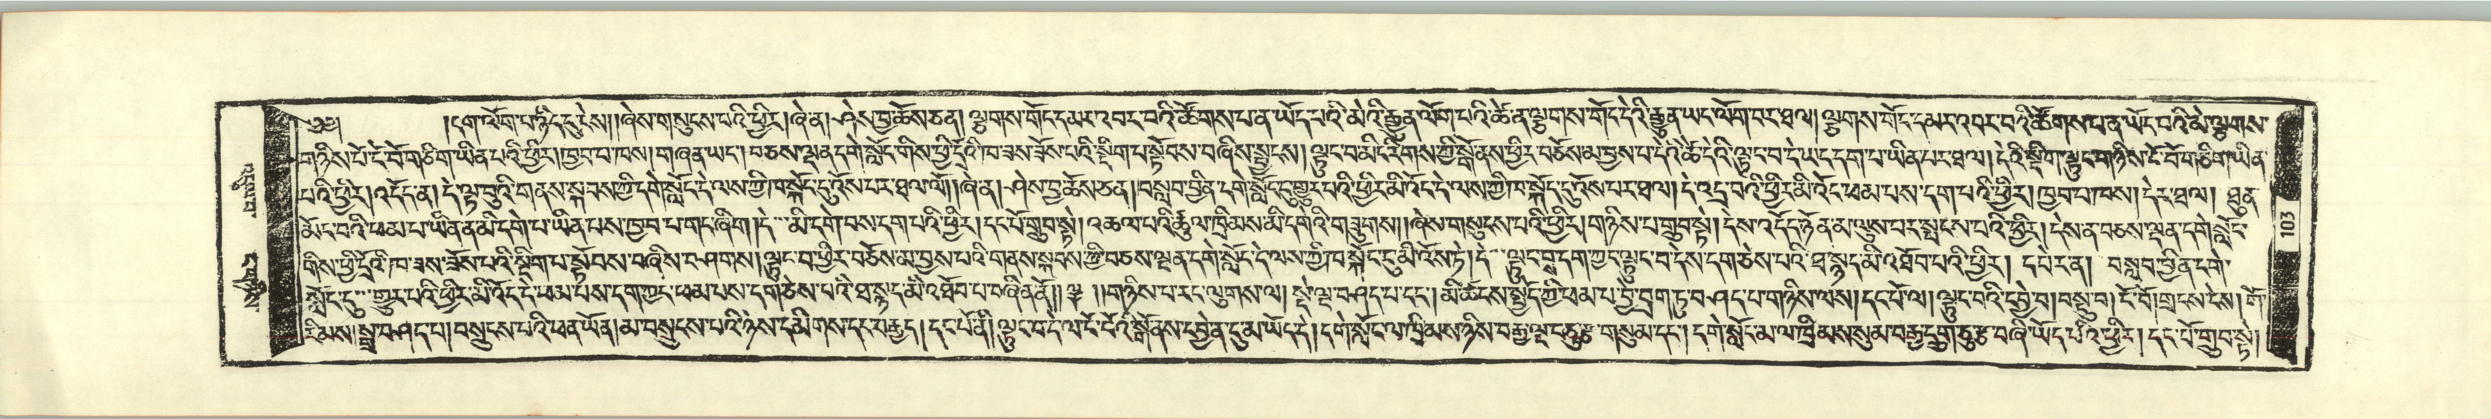༄༅། །དག་ལོག་པ་ཉིད་དུ་ངེས། །ཞེས་གསུངས་པའི་ཕྱིར། ཞེ་ན། ཤེས་བྱ་ཆོས་ཅན། ལྕགས་གོང་དམར་འབར་བའི་ཚོགས་པ་ན་ཡོད་པའི་མེའི་རྒྱུན་ལོག་པའི་ཚེ་ན་ལྕགས་གོང་དེའི་རྒྱུན་ཡང་ལོག་པར་ཐལ། ལྕགས་གོང་དམར་འབར་བའི་ཚོགས་པ་ན་ཡོད་བའི་མེ་ལྕགས་
གཉིས་པོ་ངོ་བོ་གཅིག་ཡིན་པའི་ཕྱིར། ཁྱབ་པ་ཁས། གཞན་ཡང་། བཅས་ལྡན་དགེ་སློང་གིས་ཕྱི་དྲོའི་ཁ་ཟས་ཟོས་པའི་སྡིག་པ་སྟོབས་བཞིས་སྦྱངས། ལྟུང་བ་མིང་རིགས་ཀྱི་སྒོ་ནས་ཕྱིར་བཅོས་མ་བྱས་པ་དེའི་ཚེ་དེའི་ལྟུང་བ་དེ་ཡང་དག་པ་ཡིན་པར་ཐལ། དེའི་སྡིག་ལྟུང་གཉིས་ངོ་བོ་གཅིག་ཡིན་
པའི་ཕྱིར། འདོད་ན། དེ་ལྟ་བུའི་གནས་སྐབས་ཀྱི་དགེ་སློང་དེ་ལས་ཀྱི་ཁ་སྐོང་དུ་འོས་པར་ཐལ་ལོ། །ཞེ་ན། ཤེས་བྱ་ཆོས་ཅན། བསླབ་བྱིན་དགེ་སློང་དུ་གྱུར་པའི་ཕྱིར་མི་འོང་དེ་ལས་ཀྱི་ཁ་སྐོད་དུ་འོས་པར་ཐལ། དེ་འདྲ་བའི་ཕྱིར་མི་འོང་ཕམ་པས་དག་པའི་ཕྱིར། ཁྱབ་པ་ཁས། དེར་ཐལ། ཐུན་
མོང་བའི་ཕམ་པ་ཡིན་ན་མི་དགེ་པ་ཡིན་པས་ཁྱབ་པ་གང་ཞིག །དེ་མི་དགེ་བས་དག་པའི་ཕྱིར། དང་པོ་གྲུབ་སྟེ། འཆལ་བའི་ཚུལ་ཁྲིམས་མི་དགེའི་གཟུགས། །ཞེས་གསུངས་པའི་ཕྱིར། གཉིས་པ་གྲུབ་སྟེ། དེས་འདོད་ཉོན་མ་ལུས་པར་སྤངས་པའི་ཕྱིར། དེས་ན་བཅས་ལྡན་དགེ་སློང་
གིས་ཕྱི་དྲོའི་ཁ་ཟས་ཟོས་པའི་སྡིག་པ་སྟོབས་བཞིས་བཤགས། ལྟུང་བ་ཕྱིར་བཅོས་མ་བྱས་པའི་གནས་སྐབས་ཀྱི་བཅས་ལྡན་དགེ་སློང་དེ་ལས་ཀྱི་ཁ་སྐོང་དུ་མི་འོས་ཏེ། དེ་ལྟུང་བས་དག་ཀྱང་ལྟུང་བ་དེས་དག་ཅེས་པའི་ཐ་སྙད་མི་འཐོབ་པའི་ཕྱིར། དཔེར་ན། བསླབ་བྱིན་དགེ་
སློང་དུ་གྱུར་པའི་ཕྱིར་མི་འོད་དེ་ཕམ་པས་དག་ཀྱང་ཕམ་པས་དག་ཅེས་པའི་ཐ་སྙད་མི་འཐོབ་པ་བཞིན་ནོ།། ༈།།གཉིས་པ་རང་ལུགས་ལ། སྡེ་ལྔ་བཤད་པ་དང་། མི་ཚངས་སྤྱོད་ཀྱི་ཕམ་པ་བྱེད་བྲག་ཏུ་བཤད་པ་གཉིས་ལས། དང་པོ་ལ། ལྟུང་བའི་དབྱེ་བ། བསྡུ་བ། ངོ་བོ། གྲངས་ངེས། གོ་
རིམས། སྒྲ་བཤད་པ། བསྲུངས་པའི་ཕན་ཡོན། མ་བསྲུངས་པའི་ཉེས་དམིགས་དང་བརྒྱད། དང་པོ་ནི། ལྟུང་བ་དེ་ལ་ངོ་བོའི་སྒོ་ནས་དབྱེ་ན་དུ་མ་ཡོད་དེ། དགེ་སློང་ལ་ཁྲིམས་ཉིས་བརྒྱ་ལྔ་བཅུ་རྩ་གསུམ་དང་། དགེ་སློང་མ་ལ་ཁྲིམས་སུམ་བརྒྱ་དྲུག་ཅུ་རྩ་བཞི་ཡོད་པའི་ཕྱིར། དང་པོ་གྲུབ་སྟེ།